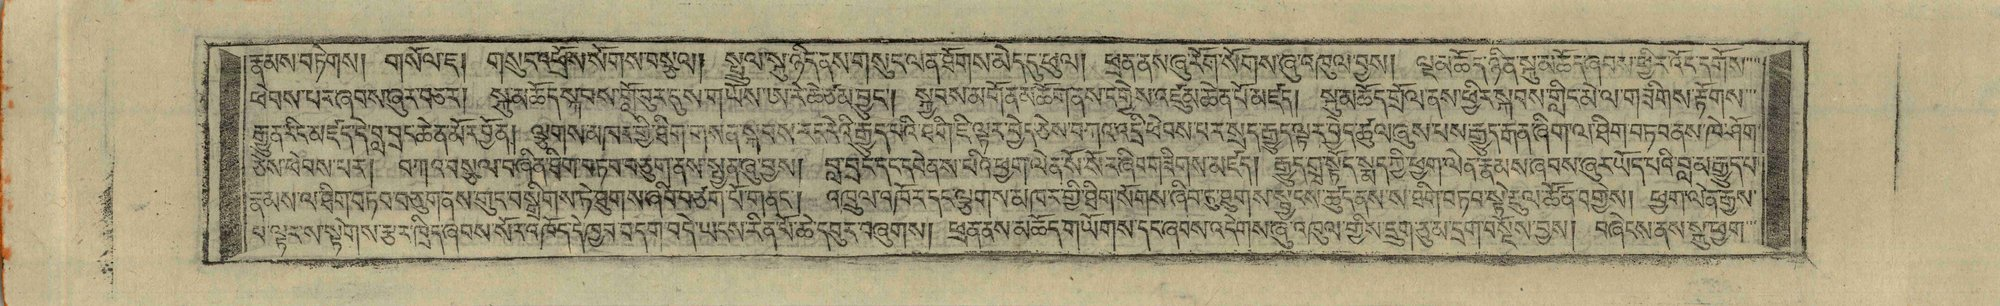རྣམས་བཏེགས། གསོལ་ཇ། གསུང་འཕྲོས་སོགས་བསྩལ། སྤྲུལ་སྐུ་ཉིད་ནས་གསུང་ལན་ཐོགས་མེད་དུ་ཕུལ། ཕྲན་ནས་ཞུ་རོག་སོགས་ཞུ་འཁུལ་བྱས། ལྔ་མཆོད་ཉིན་སྐུ་མཆོད་ཞབས་ཕྱིར་འོང་དགོས་
ཕེབས་པར་ཞབས་ཞུར་བཅར། སྐུ་མཆོད་སྐབས་གློ་བུར་དུས་གཡོས་ཨ་རེ་ཆེ་ཙམ་བྱུང་། སྐྱབས་མགོན་མཆོག་ནས་དགྱེས་འཛུམ་ཆེན་པོ་མཛད། སྐུ་མཆོད་གྲོལ་ནས་ཕྱིར་སྐབས་གླིང་མེ་ལ་གཟིགས་རྟོགས་
རྒྱུན་རིང་མཛད་དེ་བླ་བྲང་ཆེན་མོར་བྱོན། ལྕགས་མཁར་གྱི་ཐིག་གསན་སྐབས་རང་རེའི་རྒྱུད་པའི་ཐིག་ཇི་ལྟར་བྱེད་ཅེས་བཀའ་འདྲི་ཕེབས་པར་སྲད་རྒྱུད་ལྟར་བྱེད་ཚུལ་ཞུས་པས་རྒྱུད་རྒན་ཞིག་ལ་ཐིག་བཏབ་ནས་ཁེ་ཤོག་
ཅེས་ཕེབས་པར། བཀའ་བསྩལ་བཞིན་ཐིག་བཏབ་བཅུག་ནས་སྤྱན་ཞུ་བྱས། བླ་བྲང་དང་དབེན་ས་པའི་ཕྱག་ལེན་སོ་སོར་ཞིབ་གཟིགས་མཛད། རྒྱུད་གྲྭ་སྟོད་སྨད་ཀྱི་ཕྱག་ལེན་རྣམས་ཞབས་ཞུར་ཡོད་པའི་བླ་མ་རྒྱུད་པ་
རྣམས་ལ་ཐིག་བཏབ་བཅུག་ནས་གུང་བསྒྲིགས་ཏེ་ཐུགས་ཞིབ་བཙག་པོ་གནང་། འཁྲུལ་འཁོར་དང་ལྕགས་མཁར་གྱི་ཐིག་སོགས་ཞིབ་ཏུ་ཐུགས་སྦྱངས་ཚུད་ནས་ས་ཐིག་བཏབ་སྟེ་རྡུལ་ཚོན་བགྱེས། ཕྱག་ལེན་རྒྱས་
པ་ལྟར་ས་སྟེགས་རྩར་ཁྲིད་ཞབས་སོར་འཁོད་དེ་ཁྱབ་བདག་བདེ་ཡངས་རིན་པོ་ཆེ་དབུར་བཞུགས། ཕྲན་ནས་མཆོད་གཡོགས་དང་ཞབས་འདེགས་ཞུ་འཁུལ་གྱིས་དྲུག་ཅུ་མ་དྲག་བསྡོས་བྱས། བཞེངས་ནས་སྐུ་ཕྱག་